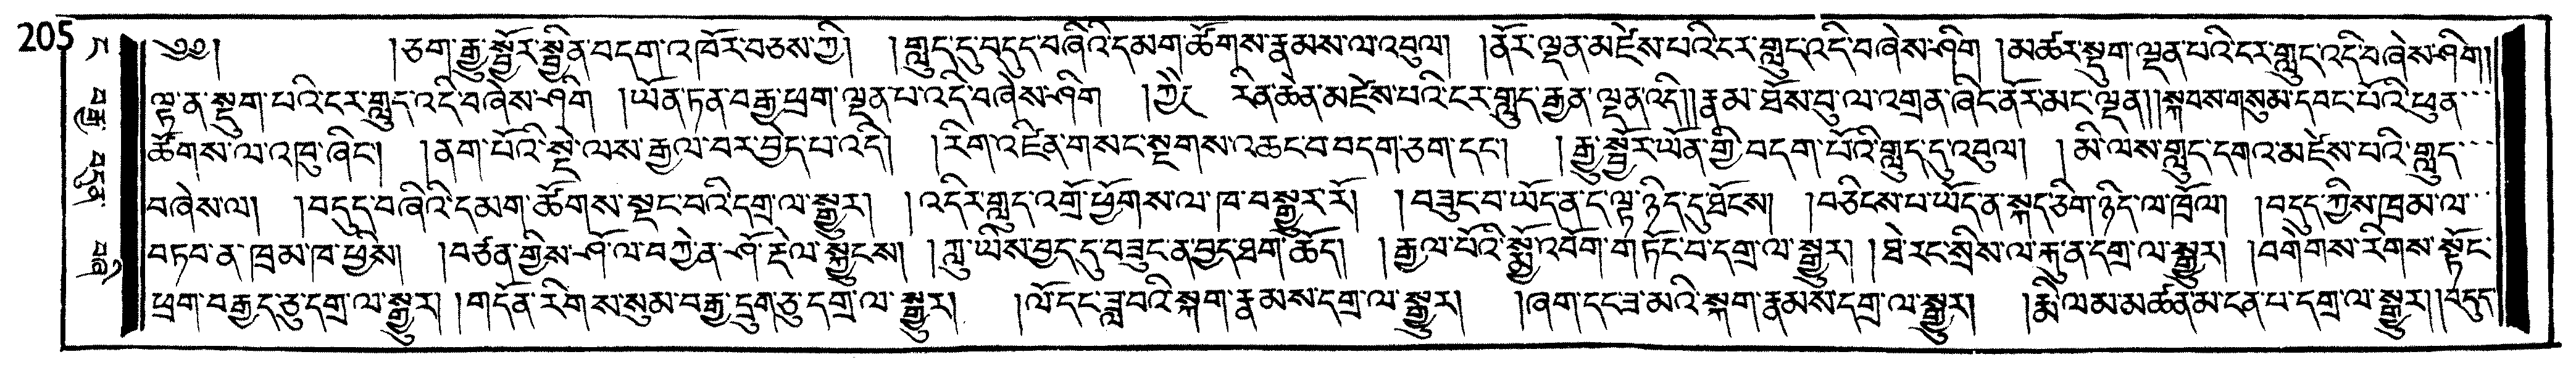༄༅། །ཅག་རྒྱུ་སྦྱོར་སྦྱིན་བདག་འཁོར་བཅས་ཀྱི། །གླུད་དུ་བདུད་བཞིའི་དམག་ཚོགས་རྣམས་ལ་འབུལ། །ནོར་ལྡན་མཛེས་པའི་ངར་གླུད་འདི་བཞེས་ཤིག །མཚར་སྡུག་ལྡན་པའི་ངར་གླུད་འདི་བཞེས་ཤིག །
ལྟ་ན་སྡུག་པའི་ངར་གླུད་འདི་བཞེས་ཤིག །ཡོན་ཏན་བརྒྱ་ཕྲག་ལྡན་པ་འདི་བཞེས་ཤིག །ཀྱཻ༑ རིན་ཆེན་མཛེས་པའི་ངར་གླུད་རྒྱན་ལྡན་འདི། །རྣམ་ཐོས་བུ་ལ་འགྲན་ཞིང་ནོར་མང་ལྡན། །སྐབས་གསུམ་དབང་པོའི་ཕུན་
ཚོགས་ལ་འཁུ་ཞིང་། །ནག་པོའི་སྡེ་ལས་རྒྱལ་བར་བྱེད་པ་འདི། །རིག་འཛིན་གསང་སྔགས་འཆང་བ་བདག་ཅག་དང་། །རྒྱུ་སྦྱོར་ཡོན་གྱི་བདག་པོའི་གླུད་དུ་འབུལ། །མི་ལས་གླུད་དགའ་མཛེས་པའི་གླུད་
བཞེས་ལ། །བདུད་བཞིའི་དམག་ཚོགས་སྡང་བའི་དགྲ་ལ་སྒྱུར། །འདིར་གླུད་འགྲོ་ཕྱོགས་ལ་ཁ་བསྒྱུར་རོ། །བཟུང་བ་ཡོད་ན་ད་ལྟ་ཉིད་དུ་ཐོངས། །བཅིངས་པ་ཡོད་ན་སྐད་ཅིག་ཉིད་ལ་ཁྲོལ། །བདུད་ཀྱིས་ཁྲམ་ལ་
བཏབ་ན་ཁྲམ་ཁ་ཕྱིས། །བཙན་གྱིས་ཤོ་ལ་བཀྱེ་ན་ཤོ་རྡེལ་སྐྱུངས། །ཀླུ་ཡིས་བྱད་དུ་བཟུང་ན་བྱད་ཐག་ཆོད། །རྒྱལ་པོའི་སྨྱོ་འབོག་གཏོང་བ་དགྲ་ལ་སྒྱུར། །ཐེ་རང་སྲིས་ལ་རྐུ་ན་དགྲ་ལ་སྒྱུར། །བགེགས་རིགས་སྟོང་
ཕྲག་བརྒྱད་ཅུ་དགྲ་ལ་སྒྱུར། །གདོན་རིགས་སུམ་བརྒྱ་དྲུག་ཅུ་དགྲ་ལ་སྒྱུར། །ལོ་དང་ཟླ་བའི་སྐག་རྣམས་དགྲ་ལ་སྒྱུར། །ཞག་དང་ཟ་མའི་སྐག་རྣམས་དགྲ་ལ་སྒྱུར། །རྨི་ལམ་མཚན་མ་ངན་པ་དགྲ་ལ་སྒྱུར། །བདུད་